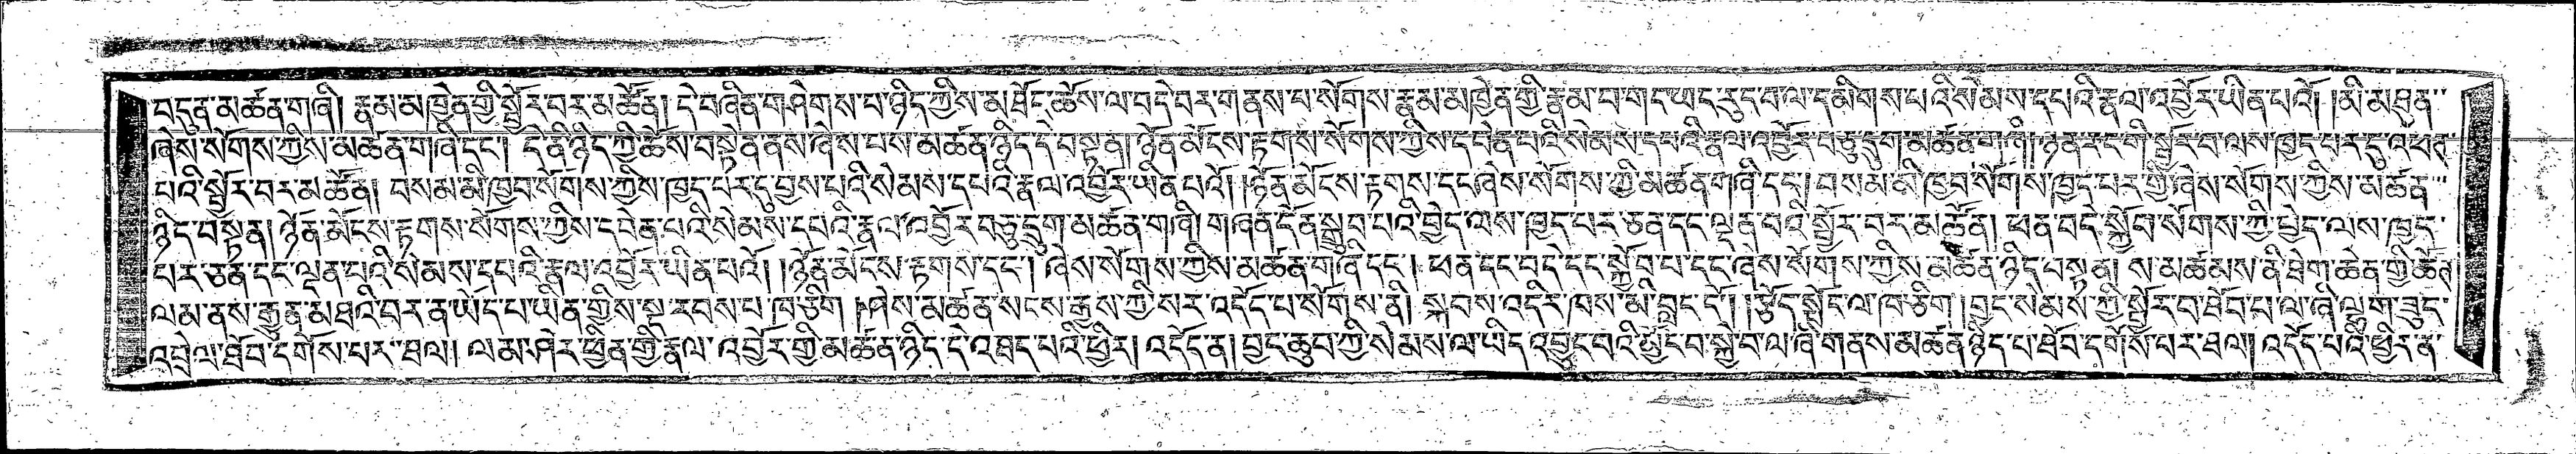བདུན་མཚན་གཞི། རྣམ་མཁྱེན་གྱི་སྦྱོར་བར་མཚོན། དེ་བཞིན་གཤེགས་པ་ཉིད་ཀྱིས་མཐོང་ཆོས་ལ་བདེ་བར་གནས་པ་སོགས་རྣམ་མཁྱེན་གྱི་རྣམ་པ་གང་ཡང་རུང་བ་ལ་དམིགས་པའི་སེམས་དཔའི་རྣལ་འབྱོར་ཡིན་པའོ། །མི་མཐུན་
ཞེས་སོགས་ཀྱིས་མཚན་གཞི་དང་། དེ་ནི་ཉིད་ཀྱི་ཆོས་བསྟན་ནས་ཞེས་པས་མཚན་ཉིད་དེ་བསྟན། ཉོན་མོངས་རྟགས་སོགས་ཀྱིས་དབེན་པའི་སེམས་དཔའི་རྣལ་འབྱོར་བཅུ་དྲུག་མཚན་གཞི། ཉན་རང་གི་སྦྱོར་བ་ལས་ཁྱད་པར་དུ་འཕགས་
པའི་སྦྱོར་བར་མཚོན། བསམ་མི་ཁྱབ་སོགས་ཀྱིས་ཁྱད་པར་དུ་བྱས་པའི་སེམས་དཔའི་རྣལ་འབྱོར་ཡིན་པའོ། །ཉོན་མོངས་རྟགས་དང་ཞེས་སོགས་ཀྱི་མཚན་གཞི་དང་། བསམ་མི་ཁྱབ་སོགས་ཁྱད་པར་གྱི་ཞེས་སོགས་ཀྱིས་མཚན་
ཉིད་བསྟན། ཉོན་མོངས་རྟགས་སོགས་ཀྱིས་དབེན་པའི་སེམས་དཔའི་རྣལ་འབྱོར་བཅུ་དྲུག་མཚན་གཞི། གཞན་དོན་སྒྲུབ་པའི་བྱེད་ལས་ཁྱད་པར་ཅན་དང་ལྡན་པའི་སྦྱོར་བར་མཚོན། ཕན་བདེ་སྐྱོབ་སོགས་ཀྱི་ཕྱེད་ལས་ཁྱད་
པར་ཅན་དང་ལྡན་པའི་སེམས་དཔའི་རྣལ་འབྱོར་ཡིན་པའོ། །ཉོན་མོངས་རྟགས་དང་། ཞེས་སོགས་ཀྱིས་མཚན་གཞི་དང་། ཕན་དང་བདེ་དང་སྐྱོབ་པ་དང་ཞེས་སོགས་ཀྱིས་མཚན་ཉིད་བསྟན། ས་མཚམས་ནི་ཐེག་ཆེན་གྱི་ཚོགས་
ལམ་ནས་རྒྱུན་མཐའི་བར་ན་ཡོད་པ་ཡིན་གྱིས་སྔ་རབས་པ་ཁ་ཅིག །ཤེས་མཚན་སངས་རྒྱས་ཀྱི་སར་འདོད་པ་སོགས་ནི། སྐབས་འདིར་ཁས་མི་བླང་ངོ། །རྩོད་སྤོང་ལ་ཁ་ཅིག །བྱང་སེམས་ཀྱི་སྦྱོར་བ་ཐོབ་པ་ལ་ཞི་ལྷག་ཟུང་
འབྲེལ་ཐོབ་དགོས་པར་ཐལ། ལམ་ཤེར་ཕྱིན་གྱི་རྣལ་འབྱོར་གྱི་མཚན་ཉིད་དེ་འཐད་པའི་ཕྱིར། འདོད་ན། བྱང་ཆུབ་ཀྱི་སེམས་ལ་ཡིད་འབྱུང་བའི་མྱོང་བ་སྐྱེ་བ་ལ་ཞི་གནས་མཚན་ཉིད་པ་ཐོབ་དགོས་པར་ཐལ། འདོད་པའི་ཕྱིར་ན་